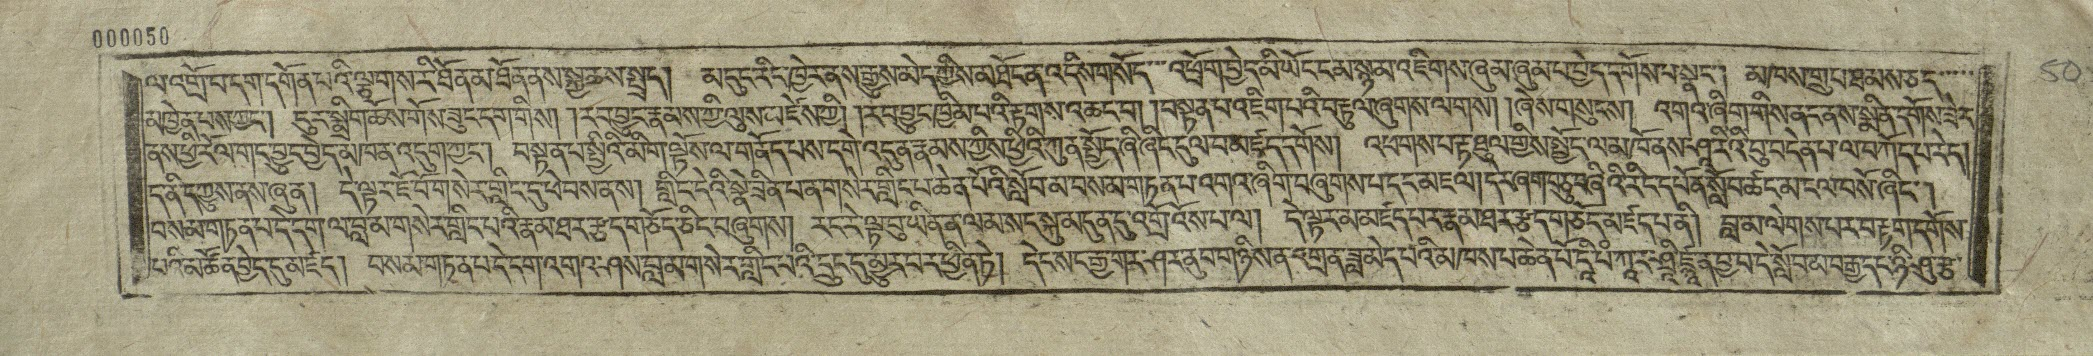ལ་འགྲོ་བ་དག་དགོན་པའི་ལྕགས་རི་ཐོན་མ་ཐོན་ནས་སྐྱ་ཆས་སྤྲད། མདུང་རིང་ཁྱེར་ནས་རྒྱུས་མེད་ཀྱིས་མཐོང་ན་འདིས་གསོད་འཕྲོག་བྱེད་མི་ཡོང་ངམ་སྙམ་འཇིགས་ཞུམ་ཞུམ་པ་བྱེད་དགོས་པ་སྣང་། མཁས་གྲུབ་ཐམས་ཅད་
མཁྱེན་པས་ཀྱང་། ངུར་སྨྲིག་ཆོས་གོས་ཟུང་དག་གིས། །རབ་བྱུང་རྣམས་ཀྱི་ལུས་མཛེས་ཀྱི། །རབ་བྱུང་ཁྱིམ་པའི་རྟགས་འཆང་བ། །བསྟན་པ་འཇིག་པའི་བརྟུལ་ཞུགས་ལགས། །ཞེས་གསུངས། འགའ་ཞིག་གིས་ནང་ནས་སྨིན་དགོས་ཟེར་
ནས་ཕྱི་རོལ་གང་བྱུང་བྱེད་མཁན་འདུག་ཀྱང་། བསྟན་པ་སྤྱིའི་མིག་ལྟོས་ལ་གནོད་པས་དགེ་འདུན་རྣམས་ཀྱིས་ཕྱིའི་ཀུན་སྤྱོད་ཞི་ཞིང་དུལ་བ་མཛད་དགོས། འཕགས་པ་རྟ་ཐུལ་གྱིས་སྤྱོད་ལམ་ཁོ་ནས་ཤཱ་རིའི་བུ་བདེན་པ་ལ་བཀོད་པ་རེད།
ད་ནི་དཀྱུས་ནས་ཞུན། དེ་ལྟར་ཇོ་བོ་གསེར་གླིང་དུ་ཕེབས་ནས། གླིང་དེའི་སྣེ་ཟིན་པ་ན་གསེར་གླིང་པ་ཆེན་པོའི་སློབ་མ་བསམ་གཏན་པ་འགའ་ཞིག་བཞུགས་པ་དང་མཇལ། དེར་ཞག་བཅུ་བཞིའི་རིང་དཔོན་སློབ་ཚང་མ་ངལ་བསོ་ཞིང་།
བསམ་གཏན་པ་དེ་དག་ལ་བླ་མ་གསེར་གླིང་བའི་རྣམ་ཐར་རྩད་གཅོད་ཅིང་བཞུགས། རང་རེ་ལྟ་བུ་ཡིན་ན་ལམ་སང་སྐུ་མདུན་དུ་འགྲོ་འོས་པ་ལ། དེ་ལྟར་མ་མཛད་པར་རྣམ་ཐར་རྩད་གཅོད་མཛད་པ་ནི། བླ་མ་ལེགས་པར་བརྟག་དགོས་
པའི་མཚོན་བྱེད་དུ་མཛད། བསམ་གཏན་པ་དེ་དག་འགའ་ཤས་བླ་མ་གསེར་གླིང་པའི་དྲུང་དུ་མྱུར་བར་ཕྱིན་ཏེ། དེང་སང་རྒྱ་གར་ཤར་ནུབ་གཉིས་ན་འགྲན་ཟླ་མེད་པའི་མཁས་པ་ཆེན་པོ་དཱི་པཾཨ་ཀཱ་ར་ཤྲཱི་ཛྙཱ་ན་བྱ་བ་དེ་སློབ་མ་བརྒྱ་དང་ཉི་ཤུ་རྩ་